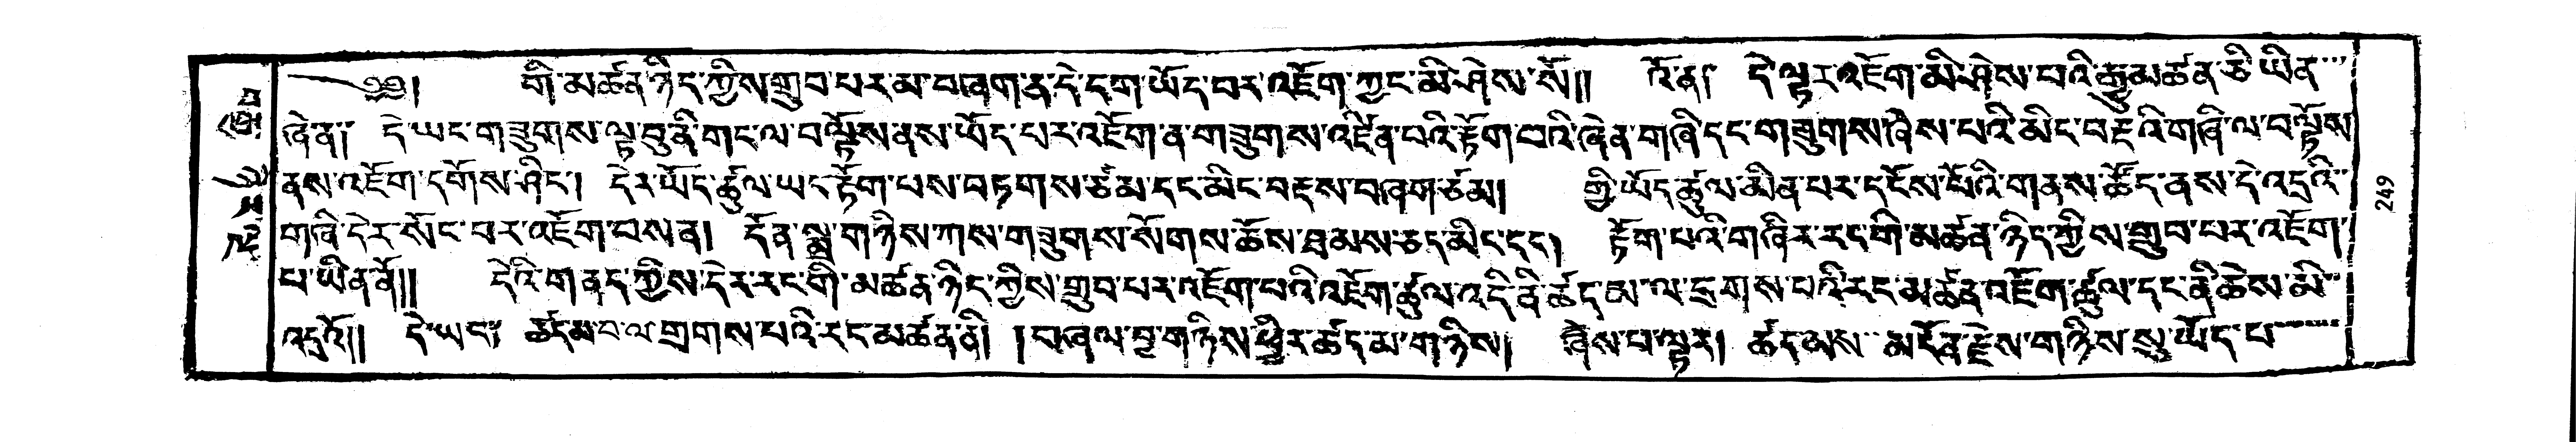༄༅། །གི་མཚན་ཉིད་ཀྱིས་གྲུབ་པར་མ་བཞག་ན་དེ་དག་ཡོད་པར་འཇོག་ཀྱང་མི་ཤེས་སོ། །འོ་ན། དེ་ལྟར་འཇོག་མི་ཤེས་པའི་རྒྱུ་མཚན་ཅི་ཡིན་
ཞེ་ན། དེ་ཡང་གཟུགས་ལྟ་བུ་ནི་གང་ལ་བལྟོས་ནས་ཡོད་པར་འཇོག་ན་གཟུགས་འཛིན་པའི་རྟོག་པའི་ཞེན་གཞི་དང་གཟུགས་ཞེས་པའི་མིང་བརྡའི་གཞི་ལ་བལྟོས་
ནས་འཇོག་དགོས་ཤིང་། དེར་ཡོད་ཚུལ་ཡང་རྟོག་པས་བཏགས་ཙམ་དང་མིང་བརྡས་བཞག་ཙམ། གྱི་ཡོད་ཚུལ་མིན་པར་དངོས་པོའི་གནས་ཚོད་ནས་དེ་འདྲའི་
གཞི་དེར་སོང་བར་འཇོག་པས་ན། དོན་སྨྲ་གཉིས་ཀས་གཟུགས་སོགས་ཆོས་ཐམས་ཅད་མིང་དང་། རྟོག་པའི་གཞིར་རང་གི་མཚན་ཉིད་ཀྱིས་གྲུབ་པར་འཇོག་
པ་ཡིན་ནོ། །དེའི་གནད་ཀྱིས་དེར་རང་གི་མཚན་ཉིད་ཀྱིས་གྲུབ་པར་འཇོག་པའི་འཇོག་ཚུལ་འདི་ནི་ཚད་མ་ལ་གྲགས་པའི་རང་མཚན་འཇོག་ཚུལ་དང་ནི་ཆེས་མི་
འདྲའོ། །དེ་ཡང་། ཚད་མ་པ་ལ་གྲགས་པའི་རང་མཚན་ནི། །བཞལ་བྱ་གཉིས་ཕྱིར་ཚད་མ་གཉིས། ཞེས་པ་ལྟར། ཚད་མས་མངོན་རྗེས་གཉིས་སུ་ཡོད་པ་